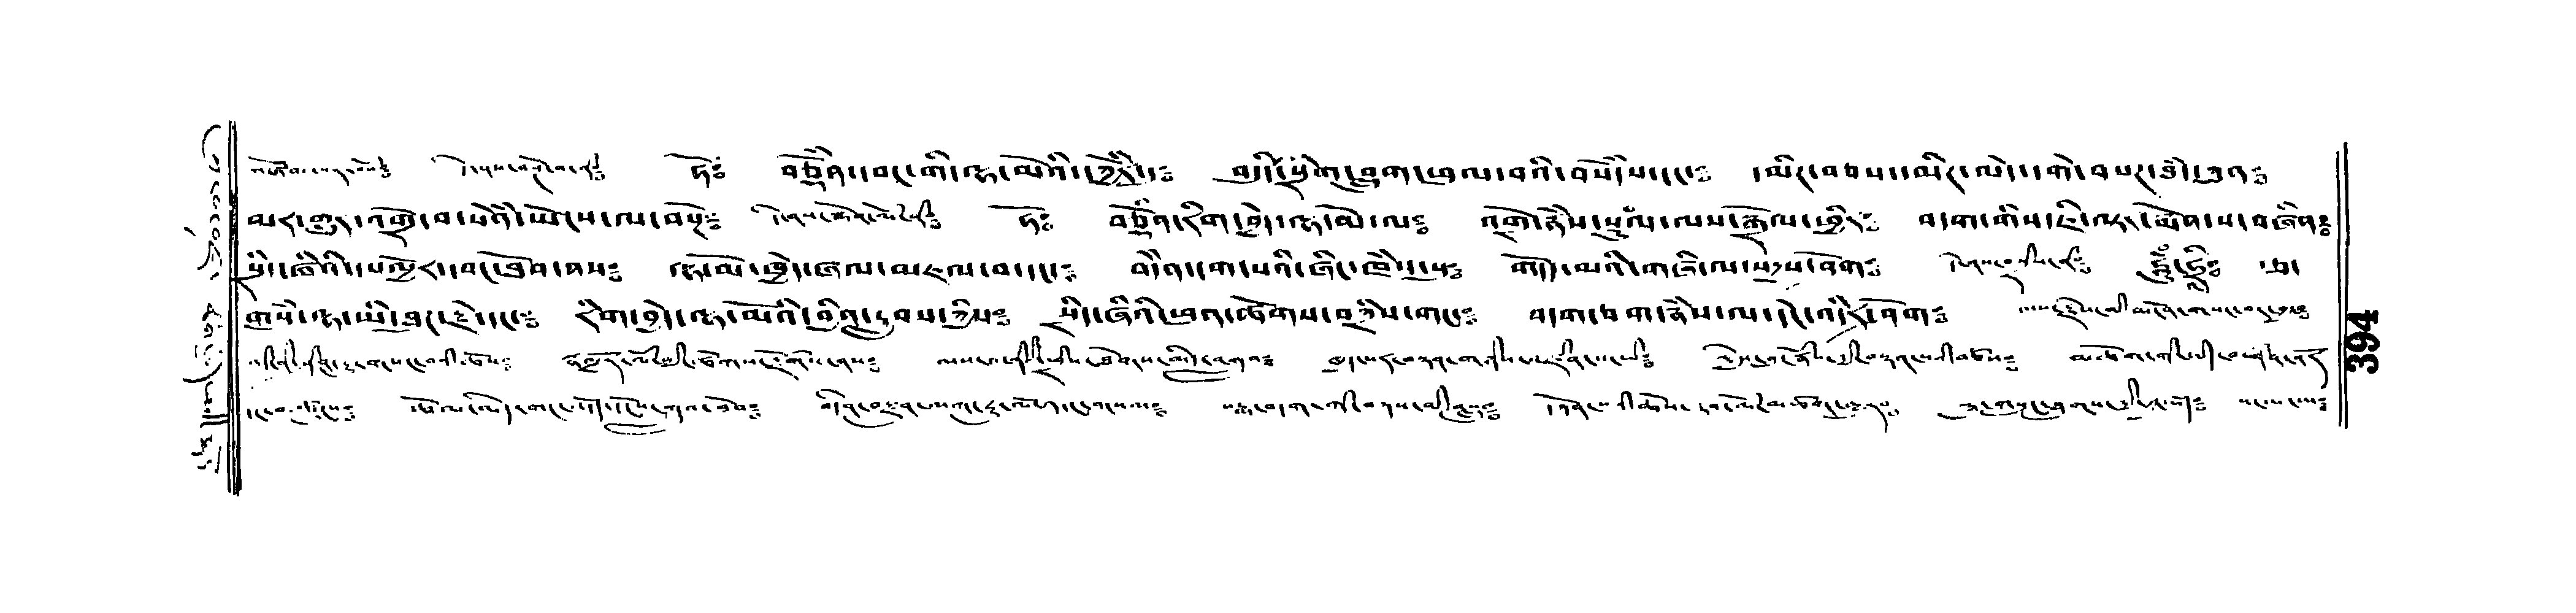གཞོམ་པར་བསམ༔ དེ་ནས་བསྔོ་བ་ནི༔ ཧོཿ བཅོམ་ལྡན་དབང་གི་ལྷ་མོའི་དཀྱིལ་འཁོར་དུ༔བདུད་རྩིསྲེག་བླུགས་ཕུལ་བའི་བསོད་ནམས་དང༔ དམིགས་བཅས་དམིགས་མེད་དགེ་བསགས་ཐམས་ཅད་ཀུན༔ 
མར་གྱུར་འགྲོ་བ་སེམས་ཅན་ཡོངས་ལ་བསྔོ༔ དེ་ནས་སྨོན་ལམ་ནི༔ ཧོཿ བཅོམ་ལྡན་རིག་བྱེད་ལྷ་མོ་ལ༔ འགྲོ་རྣམས་སྡུག་བསྔལ་ལས་སྒྲོལ་ཕྱིར༔ བདག་གིས་ཇི་ལྟར་སྨོན་པ་བཞིན༔ 
སྲིད་ཞིའི་དཔལ་འབྱོར་དབང་ཐོབ་ནས༔ ལྷ་མོ་ཁྱེད་ཞལ་མཇལ་བ་དང༔ བདེ་ཆེན་དག་པའི་ཞིང་ཁམས་སུ༔ གདོད་མའི་གཞི་ལ་སངས་རྒྱས་ཤོག༔ དེ་ནས་བཀྲ་ཤིས་ནི༔ ཧཱུྃ་ཧྲཱིཿ རྩ་
གསུམ་ལྷ་ཡི་ཐུགས་རྗེ་དང༔ རིག་བྱེད་ལྷ་མོའི་བྱིན་རླབས་ཀྱིས༔ སྲིད་ཞིའི་ཕུན་ཚོགས་བཀྲ་ཤིས་གང༔ བདག་ཅག་རྣམས་ལ་དེང་འདིར་ཤོག༔ ལས་རྗེས་མི་མངོན་གསང་བར་བྱ༔ 
འདི་ནི་ཤིན་ཏུ་གསང་བའི་ཆོས༔ རྣལ་འབྱོར་ལམ་གྱི་ཚོགས་རྫོགས་ནས༔ ལས་བཞིའི་ཕྲིན་ལས་ཐོགས་མེད་འགྲུབ༔ ཁྱད་པར་བསྟན་གཉིས་འཛིན་པ་ཡི༔ སྐྱེས་བུ་རྣམས་ཀྱི་བསྟན་པའི་བཙས༔ མཆོག་གི་ཡིད་བཞིན་ནོར་
དང་མཚུངས༔ རྩོལ་མེད་གང་འདོད་དངོས་གྲུབ་ཐོབ༔ བདེན་བརྫུན་ལག་ཏུ་ལོངས་དང་གསལ༔ པདྨ་བདག་གི་བཀས་མི་བསླུ༔ དཀོན་པའི་ཆོས་ཟབ་ལམ་མཆོག་གྱུར༔ སྐུ་གསུང་ཐུགས་ཀྱི་རྒྱ་ཡོད༔ ས་མ་ཡ༔